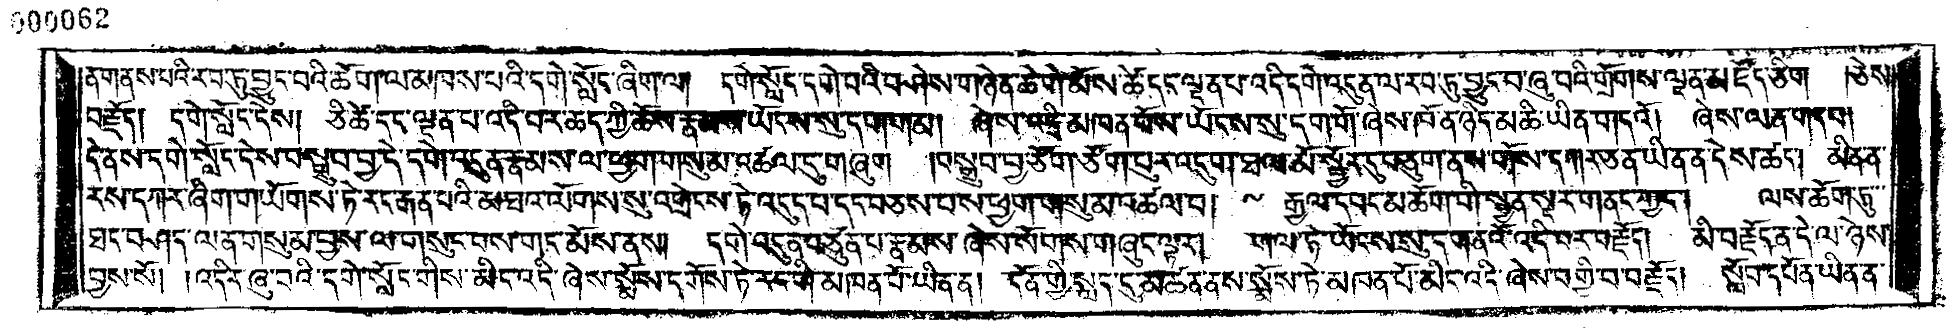ན་གནས་པའི་རབ་ཏུ་བྱུང་བའི་ཆོག་ལ་མཁས་པའི་དགེ་སློང་ཞིག་ལ། དགེ་སློང་དགེ་བའི་བཤེས་གཉེན་ཆེ་གེ་མོས་ཚེ་དང་ལྡན་པ་འདི་དགེ་འདུན་ལ་རབ་ཏུ་བྱུང་བ་ཞུ་བའི་གྲོགས་ལྡན་མཛོད་ཅིག །ཅེས་
བརྗོད། དགེ་སློང་དེས། ཅི་ཚེ་དང་ལྡན་པ་འདི་བར་ཆད་ཀྱི་ཆོས་རྣམས་ཡོངས་སུ་དག་གམ། ཞེས་འདྲི་མཁན་པོས་ཡོངས་སུ་དག་གོ་ཞེས་ཁོ་ན་ཉིད་མ་ཆི་ཡིན་གདའོ། ཞེས་ལན་གདབ།
དེ་ནས་དགེ་སློང་དེས་བསྒྲུབ་བྱ་དེ་དགེ་འདུན་རྣམས་ལ་ཕྱག་གསུམ་འཚལ་དུ་གཞུག །བསྒྲུབ་བྱ་ཙོག་ཙོག་པུར་འདུག་ཐལ་མོ་སྦྱོར་དུ་བཅུག་ནས་གོས་དཀར་ཅན་ཡིན་ན་དེས་ཚང་། མིན་ན་
རས་དཀར་ཞིག་གཡོགས་ཏེ་རང་རྒན་པའི་མཐའ་ལོགས་སུ་འགྲེངས་ཏེ་འདུད་པ་དང་བཅས་པས་ཕྱག་གསུམ་འཚལ་བ། ༧་རྒྱལ་དབང་མཆོག་གི་སྤྱན་སྔར་གནང་ཀྱང་། ལས་ཆོག་ཏུ་
ཐང་བཤད་ལན་གསུམ་བྱས་ལ་གསུང་བས་གང་མོས་ནས། དགེ་འདུན་བཙུན་པ་རྣམས་ཞེས་སོགས་གཞུང་ལྟར། གལ་ཏེ་ཡོངས་སུ་དག་ནའོ་འདི་བར་བརྗོད། མི་བརྗོད་ན་དེ་ལ་ཉེས་
བྱས་སོ། །འདིར་ཞུ་བའི་དགེ་སློང་གིས་མིང་འདི་ཞེས་སྨོས་དགོས་ཏེ་རང་གི་མཁན་པོ་ཡིན་ན། དོན་གྱི་སླད་དུ་མཚན་ནས་སྨོས་ཏེ་མཁན་པོ་མིང་འདི་ཞེས་བགྱི་བ་བརྗོད། སློབ་དཔོན་ཡིན་ན་